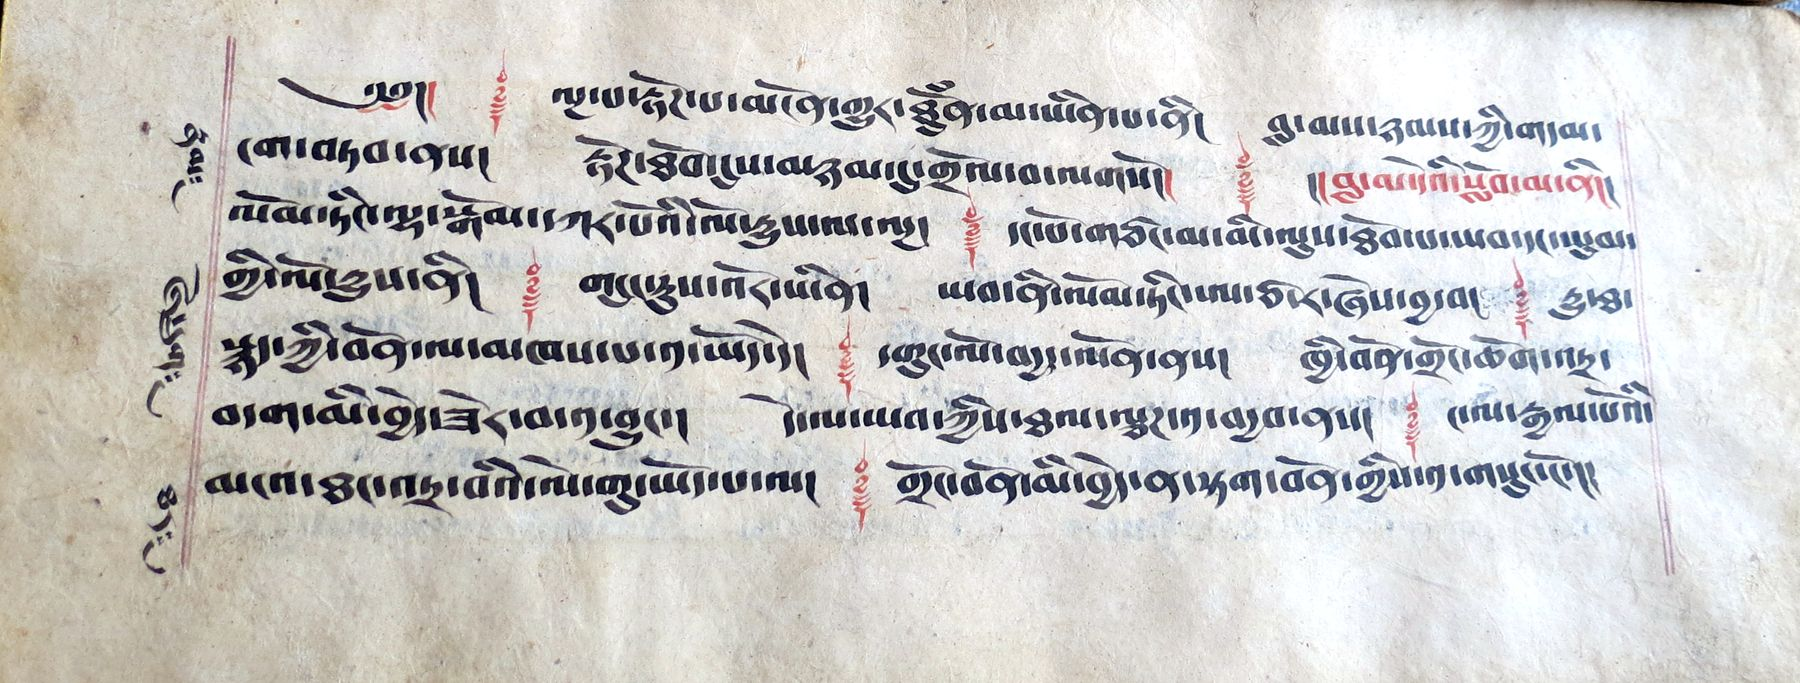ལྔ་པ་རྟོགས་པ་མངོན་གྱུར་ཐུན་མོང་མ་ཡིན་པ་ནི། བླ་མས་ཉམས་ཀྱི་གདམས་
ངག་བཏབ་ནས། རྟོགས་ཐོབ་དུས་མཉམ་དུ་གྲོལ་བ་ལགས་སོ། ། བླ་མ་དེའི་སློབ་མ་ནི། 
ལོམ་ཏིང་ལྷ་སྒོམ་དཀར་པོའི་ལོ་རྒྱུས་ལ་ལྔ་། དང་པོ་གཙང་མ་མི་ལུས་ཐོབ་པ་ཡབ་དང་ཡུམ་
གྱི་ལོ་རྒྱུས་ནི། གདུང་རུས་འོར་ཡིན། ཡབ་ནི་ལོམ་ཏིང་ཨ་ཙ་ར་ཞེས་བྱ་བ། རྒྱུ་ཐ་
སྙད་ཀྱི་བོན་ལ་མཁས་པ་ཞིག་ཡོད་དེ། དགུང་ལོ་བརྒྱད་ལོན་ནས་ཁྱི་བོན་གྲོང་ཆོག་འདྲ་
བ་བདག་མི་བྱེད་ཟེར་བ་ཞིག་བྱུང་། དེ་ལ་ཡབ་ཀྱིས་ཐལ་ལྕག་ཅིག་བརྒྱབ་ནས། ང་ལ་རྒྱལ་པོའི་
མངའ་ཐང་འདྲ་བའི་ལེ་གུ་ཡོད་པ་ལ། གྲོང་བོན་མི་བྱེད་ན་སྟག་བོན་གྱིས་ཤིག་གསུངས་སོ། །